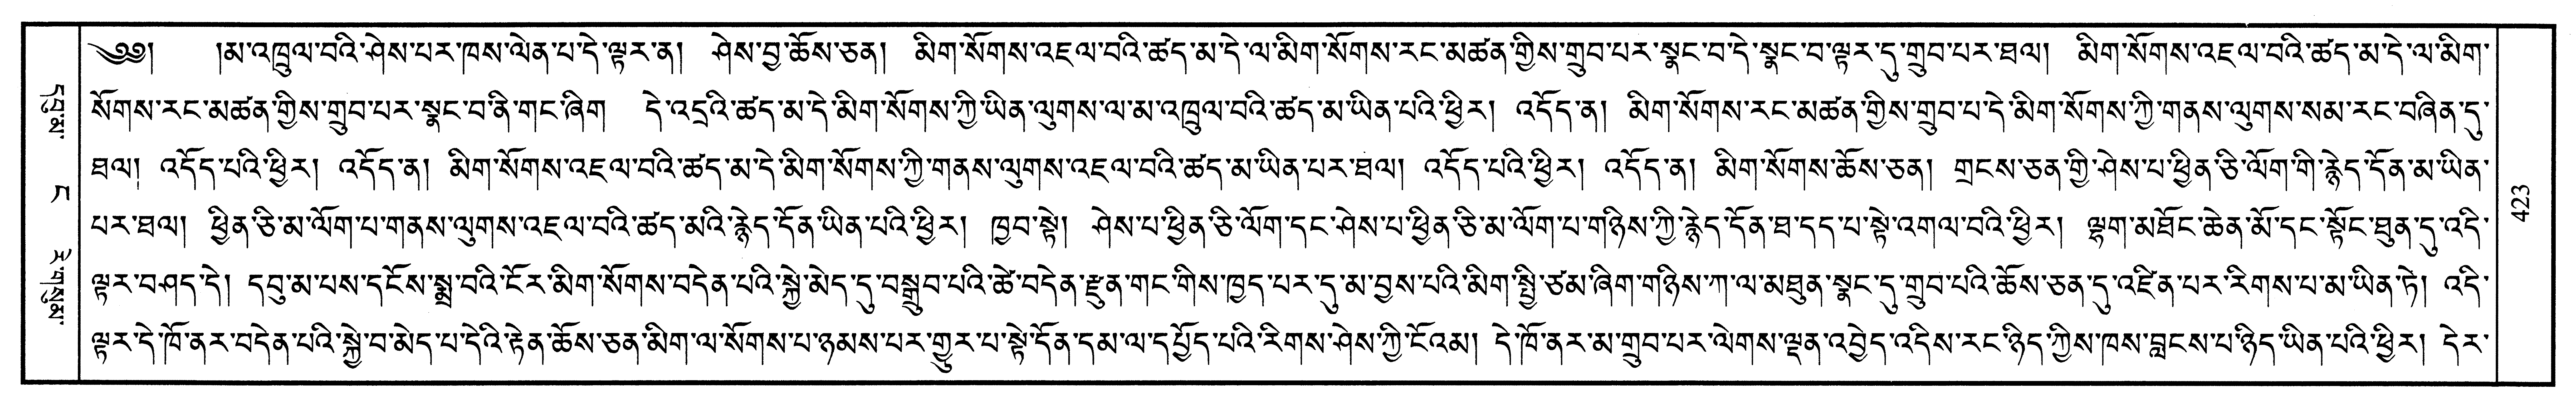༄༅། །མ་འཁྲུལ་བའི་ཤེས་པར་ཁས་ལེན་པ་དེ་ལྟར་ན། ཤེས་བྱ་ཆོས་ཅན། མིག་སོགས་འཇལ་བའི་ཚད་མ་དེ་ལ་མིག་སོགས་རང་མཚན་གྱིས་གྲུབ་པར་སྣང་བ་དེ་སྣང་བ་ལྟར་དུ་གྲུབ་པར་ཐལ། མིག་སོགས་འཇལ་བའི་ཚད་མ་དེ་ལ་མིག་
སོགས་རང་མཚན་གྱིས་གྲུབ་པར་སྣང་བ་ནི་གང་ཞིག། དེ་འདྲའི་ཚད་མ་དེ་མིག་སོགས་ཀྱི་ཡིན་ལུགས་ལ་མ་འཁྲུལ་བའི་ཚད་མ་ཡིན་པའི་ཕྱིར། འདོད་ན། མིག་སོགས་རང་མཚན་གྱིས་གྲུབ་པ་དེ་མིག་སོགས་ཀྱི་གནས་ལུགས་སམ་རང་བཞིན་དུ་
ཐལ། འདོད་པའི་ཕྱིར། འདོད་ན། མིག་སོགས་འཇལ་བའི་ཚད་མ་དེ་མིག་སོགས་ཀྱི་གནས་ལུགས་འཇལ་བའི་ཚད་མ་ཡིན་པར་ཐལ། འདོད་པའི་ཕྱིར། འདོད་ན། མིག་སོགས་ཆོས་ཅན། གྲངས་ཅན་གྱི་ཤེས་པ་ཕྱིན་ཅི་ལོག་གི་རྙེད་དོན་མ་ཡིན་
པར་ཐལ། ཕྱིན་ཅི་མ་ལོག་པ་གནས་ལུགས་འཇལ་བའི་ཚད་མའི་རྙེད་དོན་ཡིན་པའི་ཕྱིར། ཁྱབ་སྟེ། ཤེས་པ་ཕྱིན་ཅི་ལོག་དང་ཤེས་པ་ཕྱིན་ཅི་མ་ལོག་པ་གཉིས་ཀྱི་རྙེད་དོན་ཐ་དད་པ་སྟེ་འགལ་བའི་ཕྱིར། ལྷག་མཐོང་ཆེན་མོ་དང་སྟོང་ཐུན་དུ་འདི་
ལྟར་བཤད་དེ། དབུ་མ་པས་དངོས་སྨྲ་བའི་ངོར་མིག་སོགས་བདེན་པའི་སྐྱེ་མེད་དུ་བསྒྲུབ་པའི་ཚེ་བདེན་རྫུན་གང་གིས་ཁྱད་པར་དུ་མ་བྱས་པའི་མིག་སྤྱི་ཙམ་ཞིག་གཉིས་ཀ་ལ་མཐུན་སྣང་དུ་གྲུབ་པའི་ཆོས་ཅན་དུ་འཛིན་པར་རིགས་པ་མ་ཡིན་ཏེ། འདི་
ལྟར་དེ་ཁོ་ནར་བདེན་པའི་སྐྱེ་བ་མེད་པ་དེའི་རྟེན་ཆོས་ཅན་མིག་ལ་སོགས་པ་ཉམས་པར་གྱུར་པ་སྟེ་དོན་དམ་ལ་དཔྱོད་པའི་རིགས་ཤེས་ཀྱི་ངོའམ། དེ་ཁོ་ནར་མ་གྲུབ་པར་ལེགས་ལྡན་འབྱེད་འདིས་རང་ཉིད་ཀྱིས་ཁས་བླངས་པ་ཉིད་ཡིན་པའི་ཕྱིར། དེར་